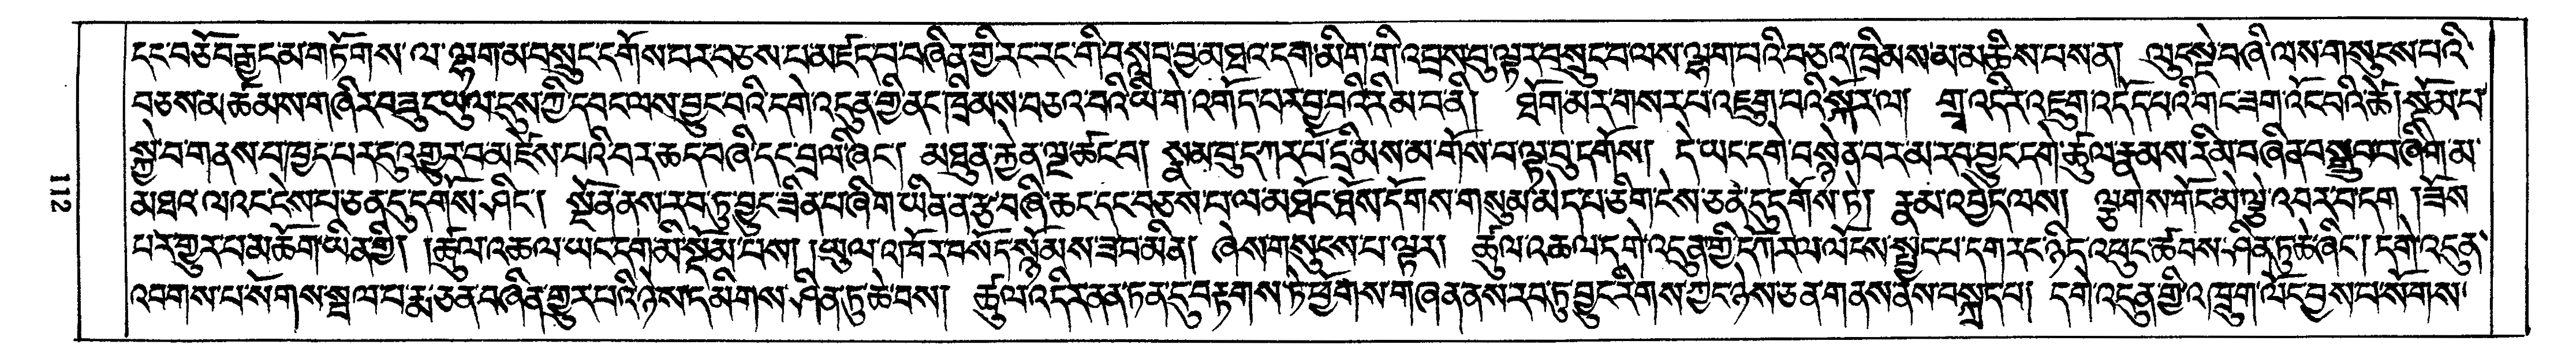དང་བཅོ་བརྒྱད་མ་གཏོགས་ལ་ལྷག་མ་བསྲུང་དགོས་པར་བཅས་པ་མཛད་པ་བཞིན་གྱི་རང་རང་གི་བསླབ་བྱ་མཐའ་དག་མིག་གི་འབྲས་བུ་ལྟར་བསྲུང་བ་ལས་ལྷག་པའི་བཅའ་ཁྲིམས་མ་མཆིས་པས་ན། ལུང་སྡེ་བཞི་ལས་གསུངས་པའི་
བཅས་མཚམས་གཞིར་བཟུང་ཡུལ་དུས་ཀྱི་དབང་ལས་བྱུང་བའི་དགེ་འདུན་གྱི་ནང་ཁྲིམས་བཅའ་བའི་ཡི་གེ་འགོད་པར་བྱ་བའི་རིམ་པ་ནི། ཐོག་མར་གསར་པ་འཇུག་པའི་སྐོར་ལ། གྲྭ་འདིར་འཇུག་འདོད་པའི་གང་ཟག་འོང་བའི་ཚེ། སྡོམ་པ་
སྐྱེ་བ་གནས་པ་ཁྱད་པར་དུ་འགྱུར་བ་མཛེས་པའི་བར་ཆད་བཞི་དང་བྲལ་ཞིང་། མཐུན་རྐྱེན་ལྔ་ཚང་བ། སྣམ་བུ་དཀར་པོ་དྲི་མས་མ་གོས་པ་ལྟ་བུ་དགོས། དེ་ཡང་དགེ་བསྙེན་པར་མ་རབ་བྱུང་དགེ་ཚུལ་རྣམས་རིམ་བཞིན་བསྒྲུབ་པ་ཞིག་མ་
མཐའ་ལའང་ངེས་པ་ཅན་དུ་དགོས་ཤིང་། སྔོན་ནས་རབ་ཏུ་བྱུང་ཟིན་པ་ཞིག་ཡིན་ན་རྩ་བཞི་ཆང་དང་བཅས་པ་ལ་མཐོང་ཐོས་དོགས་གསུམ་མེད་པ་ཅིག་ངེས་ཅན་དུ་དགོས་ཏེ། རྣམ་འབྱེད་ལས། ལྕགས་གོང་མེ་ལྕེ་འབར་བ་དག །ཟོས་
པར་གྱུར་པ་མཆོག་ཡིན་གྱི། །ཚུལ་འཆལ་ཡང་དག་མི་སྡོམ་པས། །ཡུལ་འཁོར་བསོད་སྙོམས་ཟ་བ་མིན། ཞེས་གསུངས་པ་ལྟར། ཚུལ་འཆལ་དགེ་འདུན་གྱི་དཀོར་ལ་ལོངས་སྤྱད་པ་དག་རང་ཉིད་འཕུང་ཚབས་ཤིན་ཏུ་ཆེ་ཞིང་། དགེ་འདུན་
འབགས་པ་སོགས་སྦལ་པ་རྨ་ཅན་བཞིན་གྱུར་པའི་ཉེས་དམིགས་ཤིན་ཏུ་ཆེ་བས། ཚུལ་འདིར་ནན་ཏན་དུ་བརྟགས་ཏེ་ཕྱོགས་གཞན་ནས་རབ་ཏུ་བྱུང་རིགས་ཀྱང་ཉེས་ཅན་གནས་ནས་བསྐྲད་པ། དགེ་འདུན་གྱི་འཁྲུག་ལོང་བྱས་པ་སོགས་